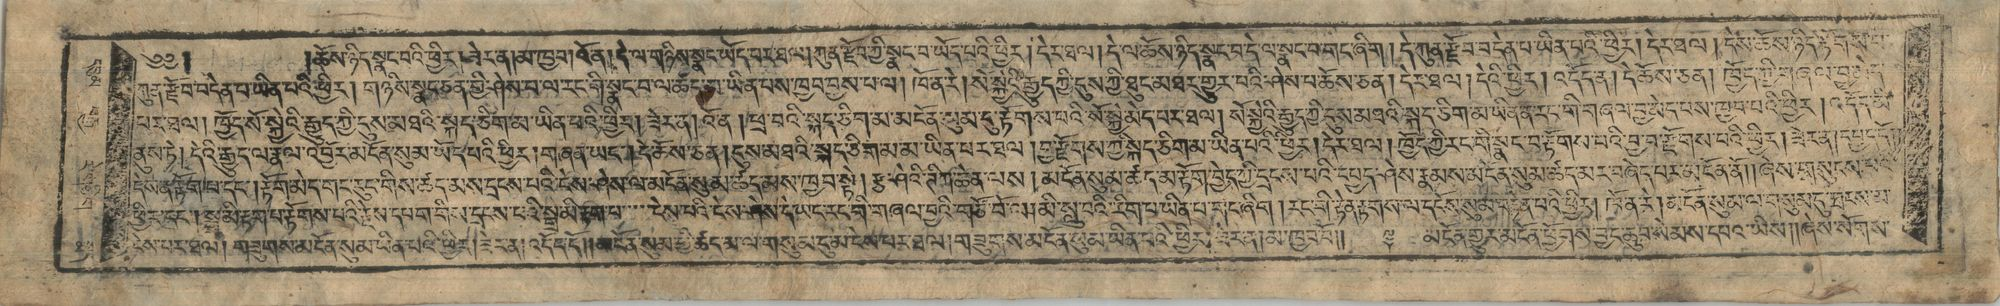༄༅། །ཆོས་ཉིད་སྣང་བའི་ཕྱིར། ཟེར་ན། མ་ཁྱབ། འོ་ན། དེ་ལ་གཉིས་སྣང་ཡོད་པར་ཐལ། ཀུན་རྫོབ་ཀྱི་སྣང་བ་ཡོད་པའི་ཕྱིར། དེར་ཐལ། དེ་ལ་ཆོས་ཉིད་སྣང་བ་དེ་ལ་སྣང་བ་གང་ཞིག །དེ་ཀུན་རྫོབ་བདེན་པ་ཡིན་པའི་ཕྱིར། དེར་ཐལ། དེས་ཆོས་ཉིད་རྟོགས་པ་
ཀུན་རྫོབ་བདེན་པ་ཡིན་པའི་ཕྱིར། གཉིས་སྣང་ཅན་གྱི་ཤེས་པ་ལ་རང་གི་སྣང་བ་ལ་ཚད་མ་ཡིན་པས་ཁྱབ་བྱས་པ་ལ། ཁོ་ན་རེ། སོ་སྐྱེའི་རྒྱུད་ཀྱི་དུས་ཀྱི་ཐུང་མཐར་གྱུར་པའི་ཤེས་པ་ཆོས་ཅན། དེར་ཐལ། དེའི་ཕྱིར། འདོད་ན། དེ་ཆོས་ཅན། ཁྱོད་ཀྱི་གཞལ་བྱ་མེད་
པར་ཐལ། ཁྱོད་སོ་སྐྱེའི་རྒྱུད་ཀྱི་དུས་མཐའི་སྐད་ཅིག་མ་ཡིན་པའི་ཕྱིར། ཟེར་ན། འོ་ན། ཕྲ་བའི་སྐད་ཅིག་མ་མངོན་སུམ་དུ་རྟོགས་པའི་སོ་སྐྱེ་མེད་པར་ཐལ། སོ་སྐྱེའི་རྒྱུད་ཀྱི་དུས་མཐའི་སྐད་ཅིག་མ་ཡིན་ན་རང་གི་གཞལ་བྱ་མེད་པས་ཁྱབ་པའི་ཕྱིར། འདོད་མི་
ནུས་ཏེ། དེའི་རྒྱུད་ལ་རྣལ་འབྱོར་མངོན་སུམ་ཡོད་པའི་ཕྱིར། གཞན་ཡང་། དེ་ཆོས་ཅན། དུས་མཐའི་སྐད་ཅིག་མ་མ་ཡིན་པར་ཐལ། བྱ་རྫོགས་ཀྱི་སྐད་ཅིག་མ་ཡིན་པའི་ཕྱིར། དེར་ཐལ། ཁྱོད་ཀྱི་རང་གི་སྣང་བ་རྟོགས་པའི་བྱ་བ་རྫོགས་པའི་ཕྱིར། ཟེར་ན། དཔྱད་དོ། །
དེས་ན་རྟོག་པ་དང་། རྟོག་མེད་གང་རུང་གིས་ཚད་མས་དྲངས་པའི་ངེས་ཤེས་ལ་མངོན་སུམ་ཚད་མས་ཁྱབ་སྟེ། རྩ་ཤེའི་ཊིཀཆེན་ལས། མངོན་སུམ་ཚད་མ་རྟོག་བྱེད་ཀྱི་དྲངས་པའི་དཔྱད་ཤེས་རྣམས་མངོན་སུམ་ཚད་མར་བཞེད་པར་མངོན་ནོ། །ཞེས་གསུངས་པའི་
ཕྱིར་དང་། སྒྲ་མི་རྟག་པ་རྟོགས་པའི་རྗེས་དཔག་གིས་དྲངས་པའི་སྒྲ་མི་རྟག་པ་ངེས་པའི་ངེས་ཤེས་དེ་ཡང་རང་གི་གཞལ་བྱའི་གཙོ་བོ་ལ། མི་སླུ་བའི་རིག་པ་ཡིན་པ་གང་ཞིག །རང་གི་རྟེན་རྟགས་ལ་དངོས་སུམ་བརྟེན་པའི་ཕྱིར། ཁོ་ན་རེ། མངོན་སུམ་ལ་གསུམ་དུ་བྲངྶྨ་
ངེས་པར་ཐལ། གཟུགས་མངོན་སུམ་ཡིན་པའི་ཕྱིར། ཟེར་ན། འདོད་དོ། །མངོན་སུམ་གྱི་ཚད་མ་ལ་གསུམ་དུ་མ་ངེས་པར་ཐལ། གཟུགས་མངོན་སུམ་ཡིན་པའི་ཕྱིར། ཟེར་ན། མ་ཁྱབ་བོ།། ༈ མངོན་གྱུར་མངོན་ཕྱོགས་བྱང་ཆུབ་སེམས་དཔའ་ཡིས། །ཞེས་སོགས་